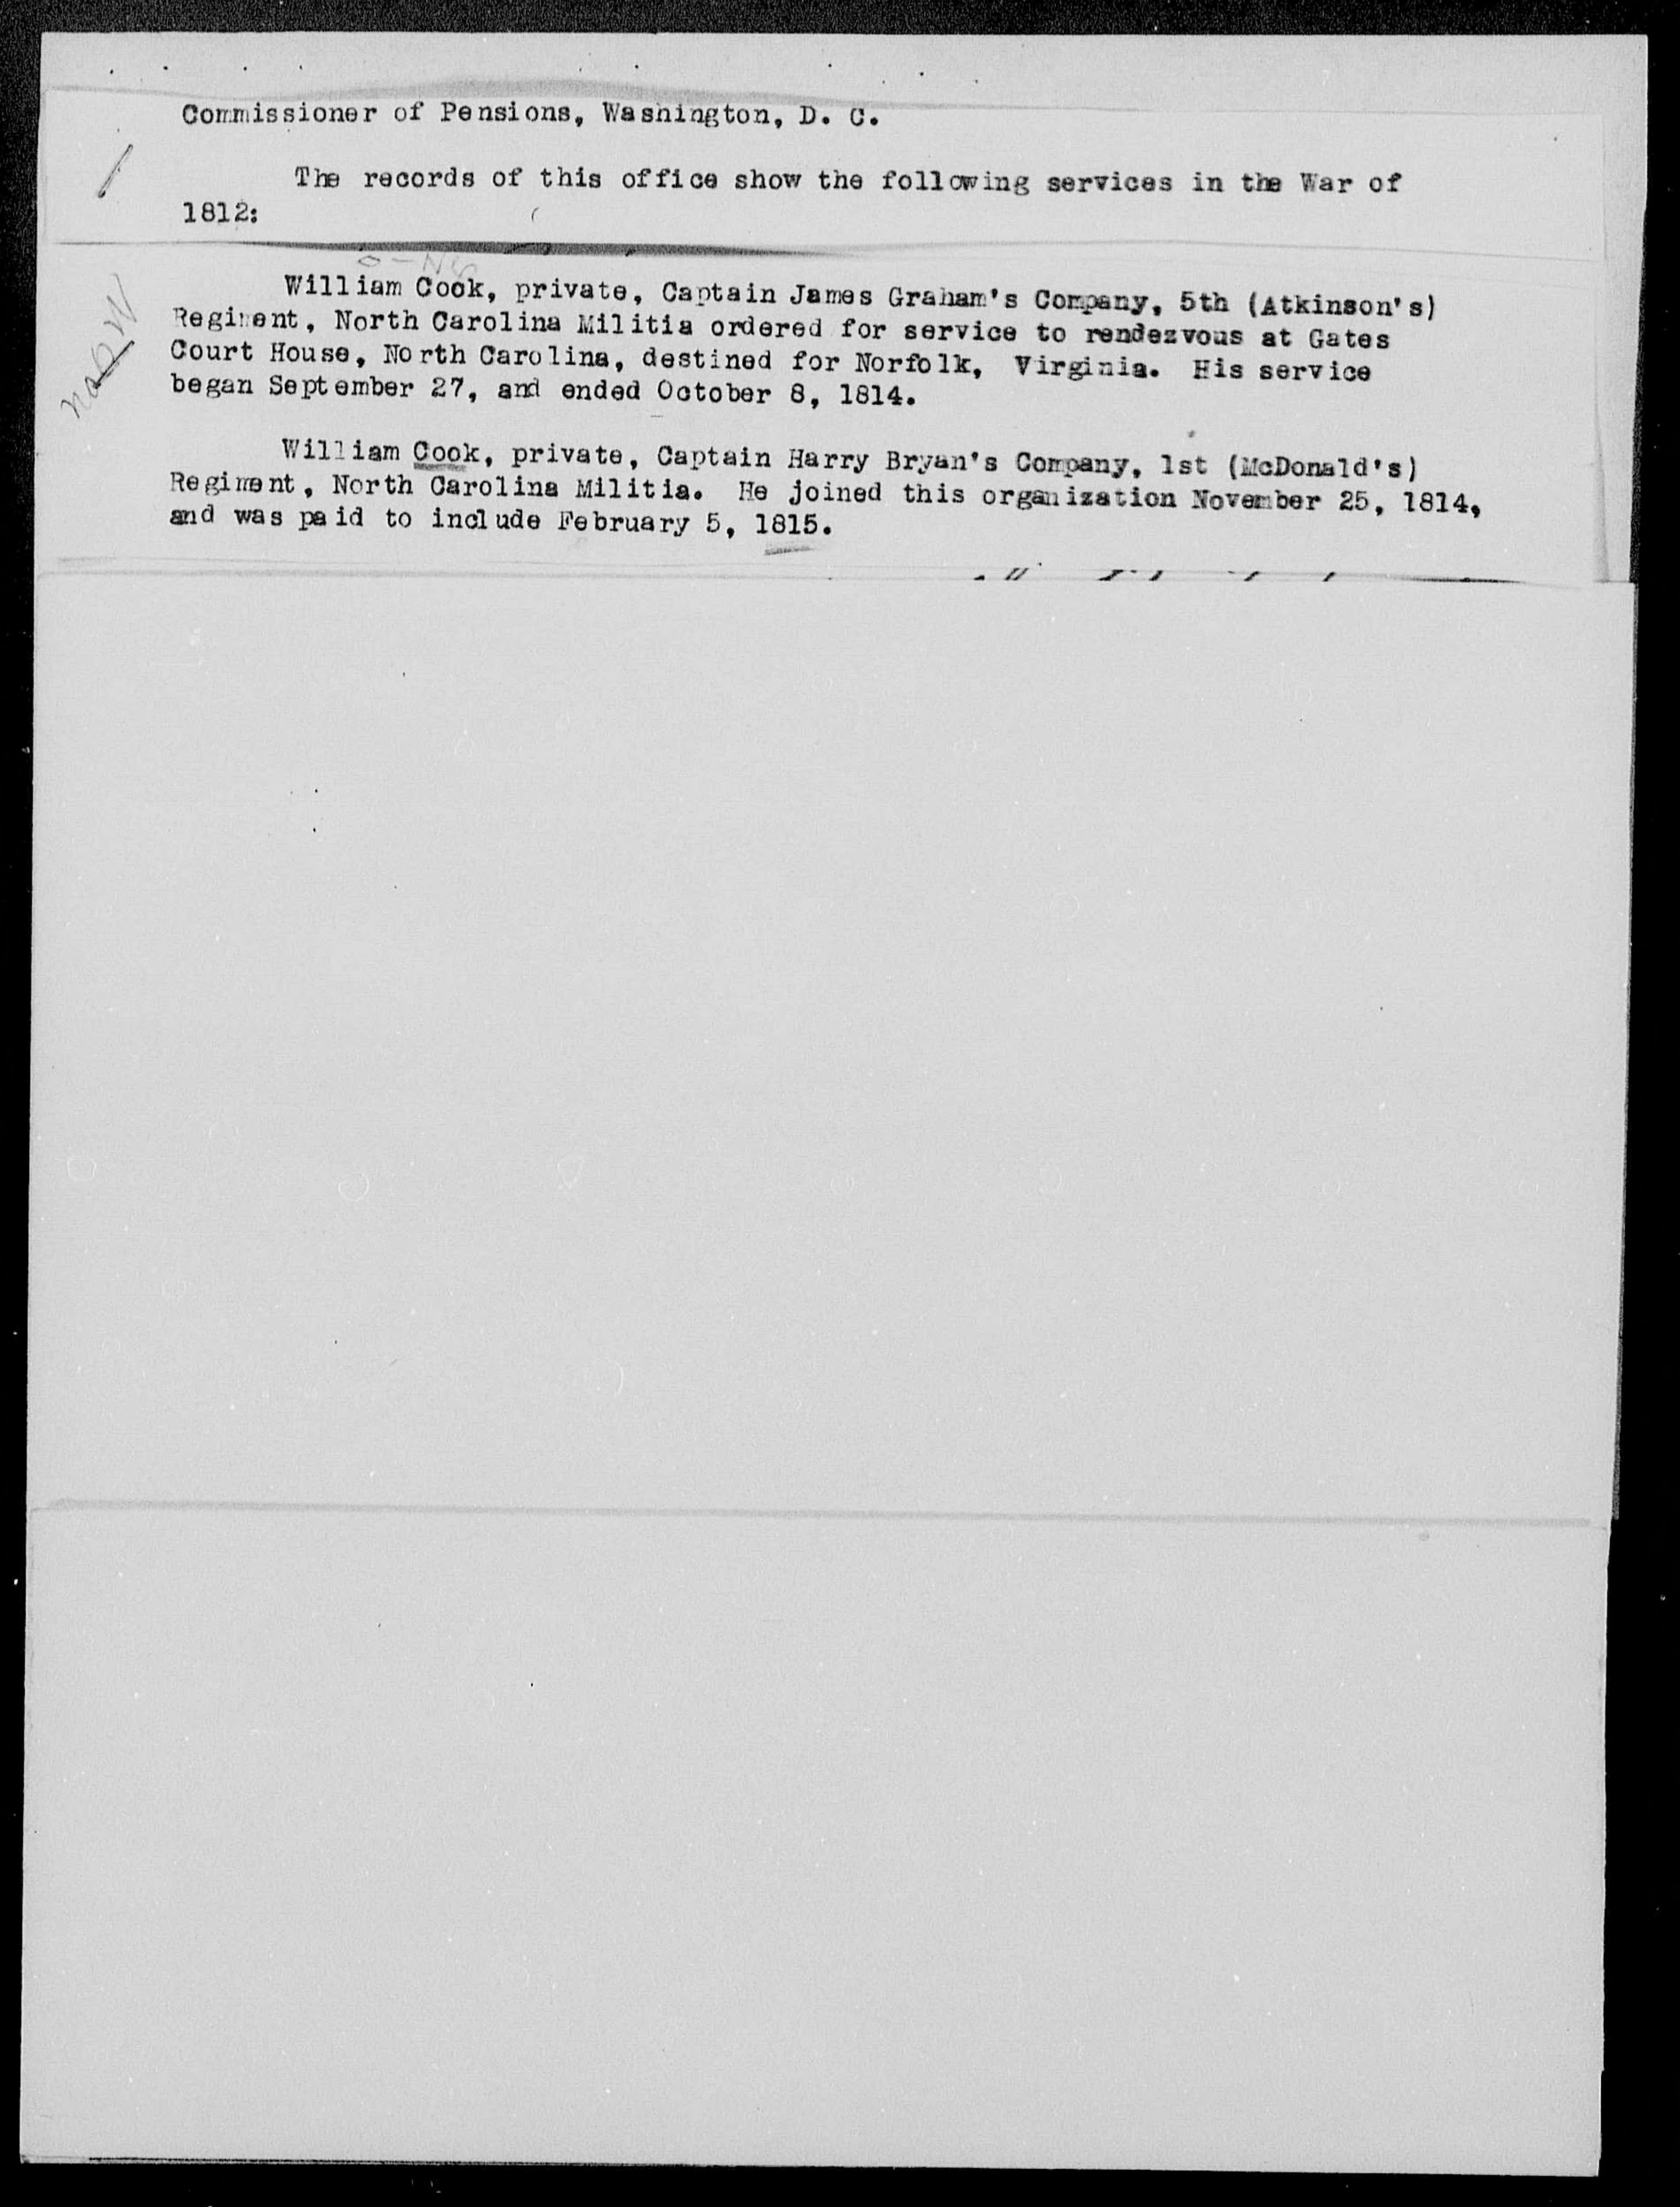[typed form, with handwritten responses]

Commissioner of Pensions, Washington, D. C. 

The records of this office show the following services in the War of 1812:

William Cook [^0 – NC], private, Captain James Graham's Company, 5th (Atkinson's) Regiment, North Carolina Militia ordered for service to rendezvous at Gates Court House, North Carolina, destined for Norfolk, Virginia. His service began September 27, and ended October 8, 1814.
[written on side] naOW

William Cook, private, Captain Harry Bryan's Company, 1st (McDonald's) Regiment, North Carolina Militia. He joined this organization November 25, 1814, and was paid to include February 5, 1815.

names: William Cook, William Cook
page: 43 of 54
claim: survivor's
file: S. 30287, William Bruce, N.C.